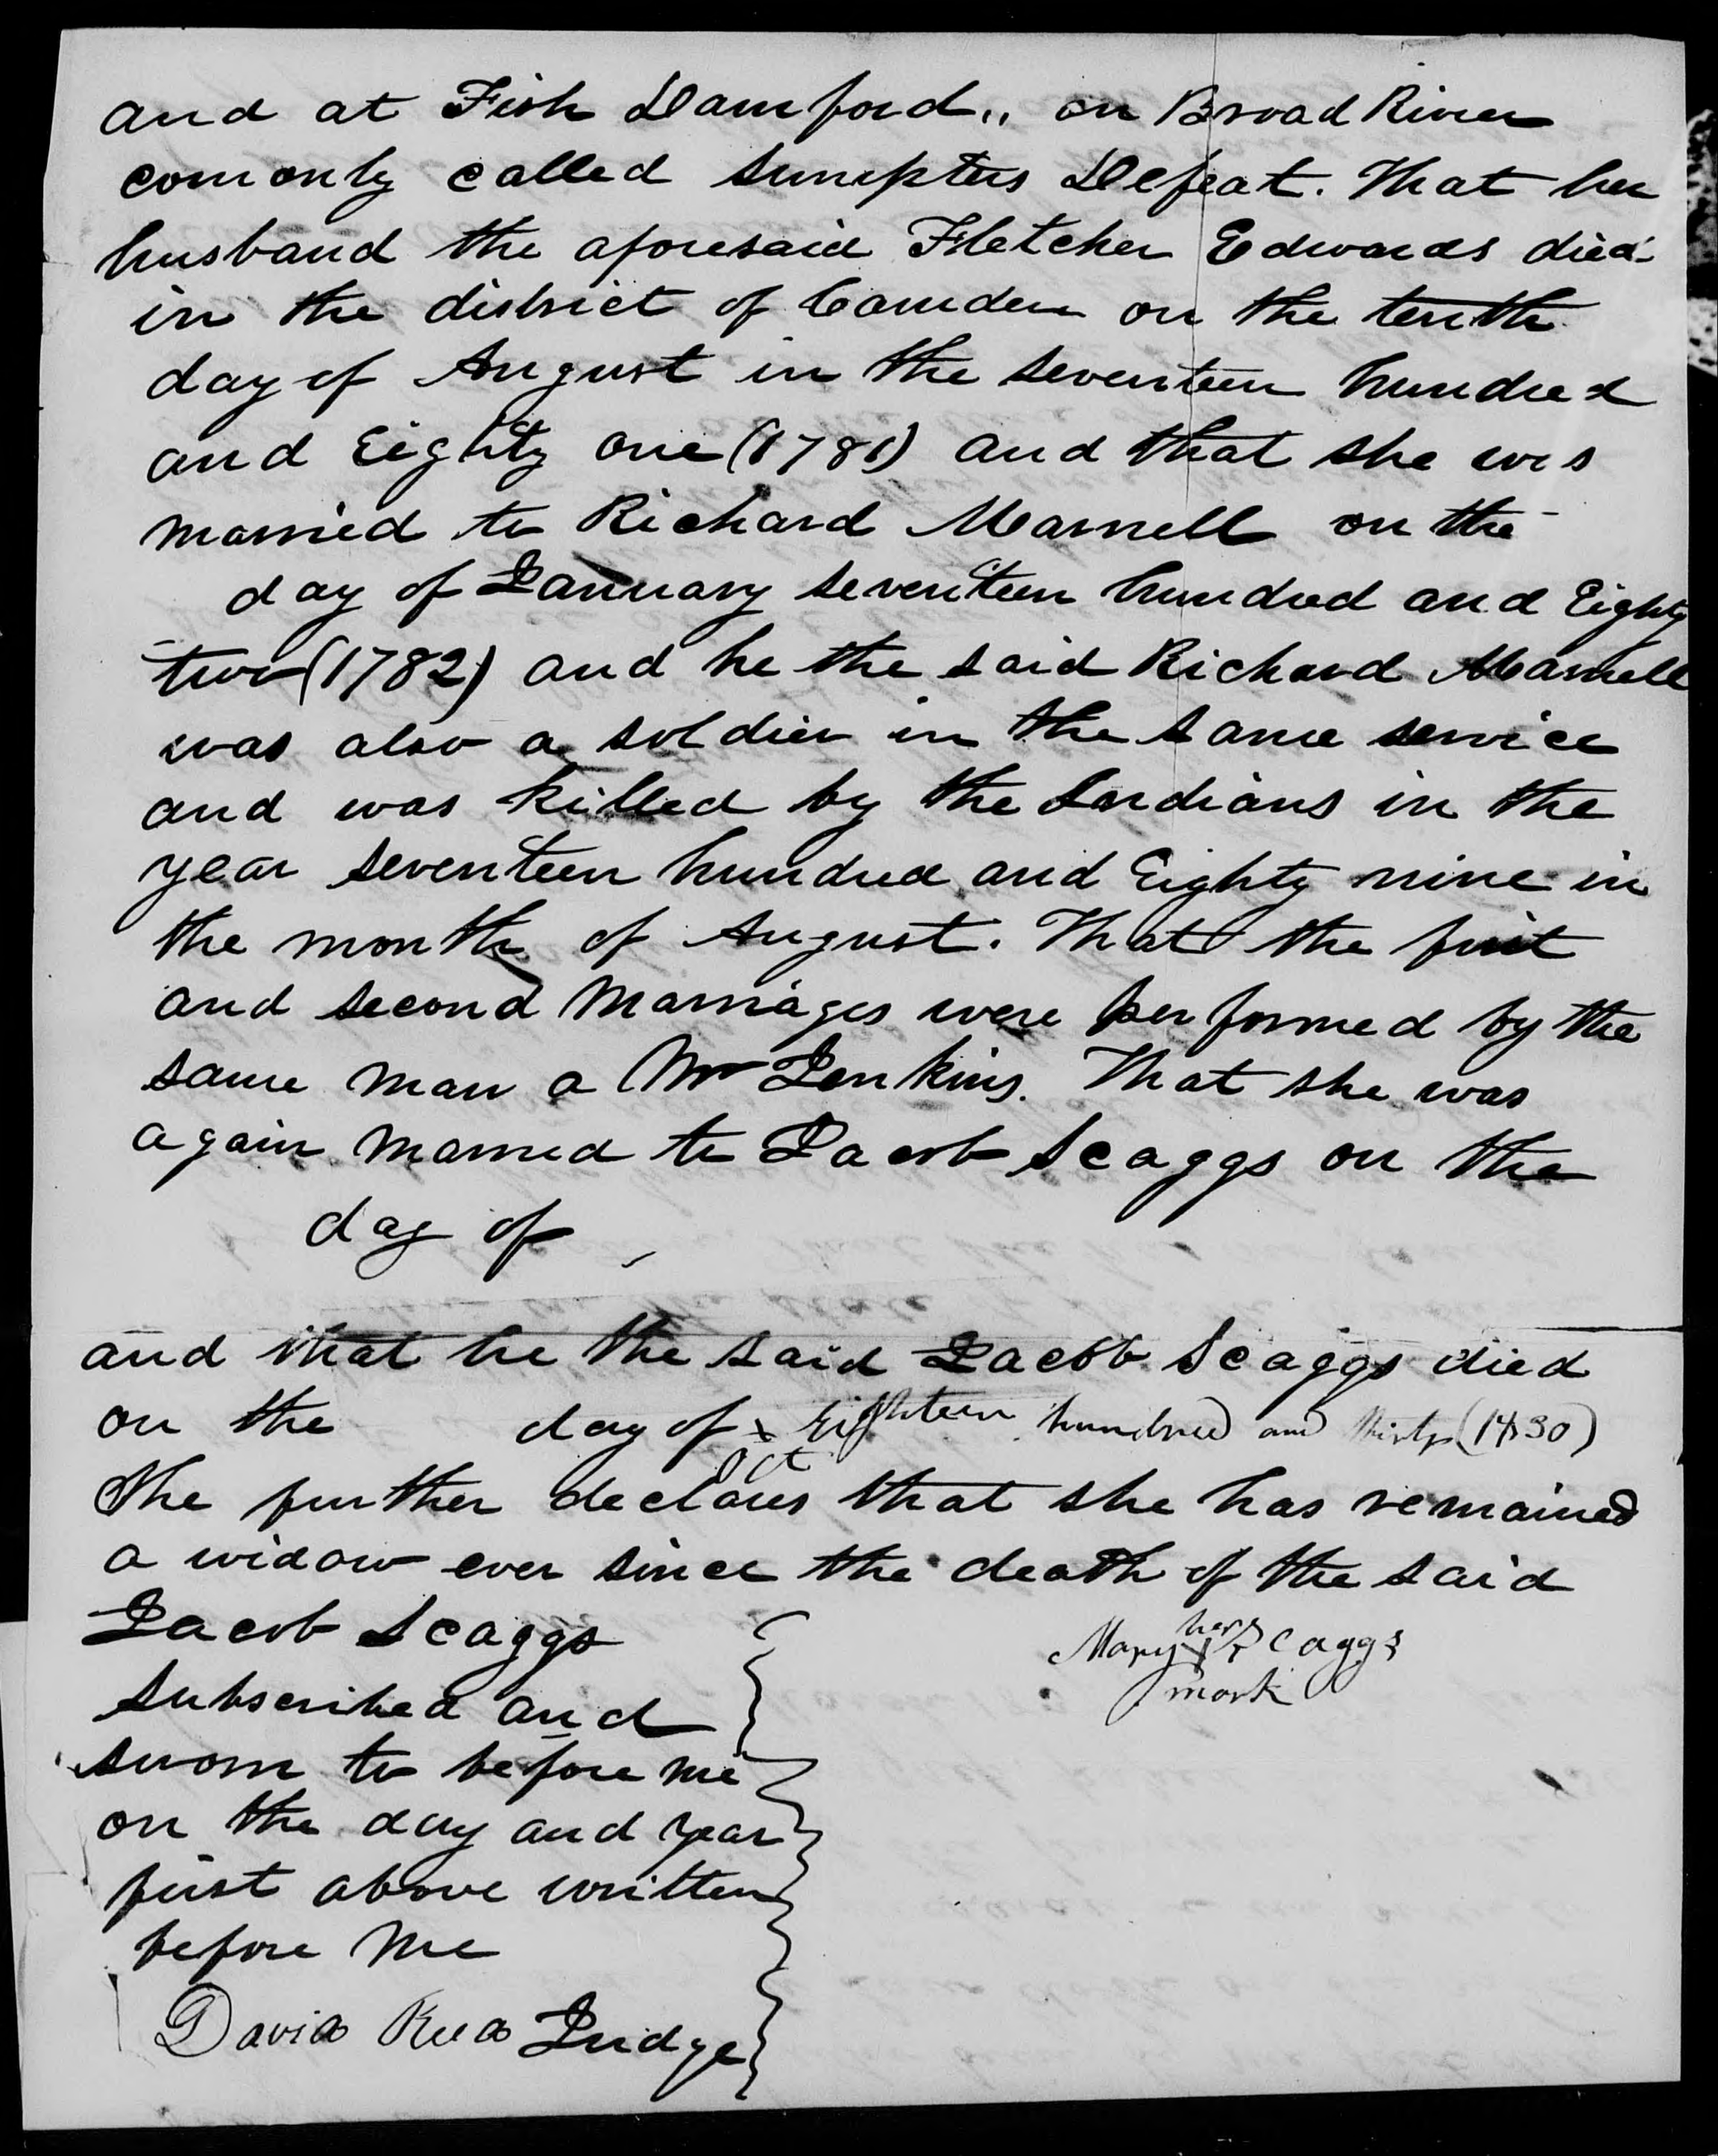and at Fish Dam Ford on Broad River commonly called Sumter's defeat. That her husband the aforesaid Fletcher Edwards died in the district of Camden on the tenth day of August in the seventeen hundred and Eighty one (1781) and that she was married to Richard Mannell on the -- day of January Seventeen hundred and Eighty two (1782) and he the said Richard Mannell was also a soldier in the same service and was killed by the Indians in the year seventeen hundred and Eighty nine in the month of August. That the first and second marriage were performed by the same man a Mr Jenkins that she was again married to Jacob Scaggs on the --- day of --- and that he the said Jacob Scaggs died on the --- day of --- Eighteen hundred and thirty (1830)
the further declares that she has remained a widow ever since the death of the said Jacob Scaggs
Mary X Scaggs her mark [signature]

Subscribed and Sworn to before me on the day and year first above written before me
David Reed Judge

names: Richard Marnell, Jacob Scaggs, Mary Scaggs, Jenkins, David Reed, Jacob Scaggs, Jacob Scaggs, Richard Marnell, Fletcher Edwards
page: 5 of 16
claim: rejected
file: R. 9,250, Fletcher Edwards, S.C.